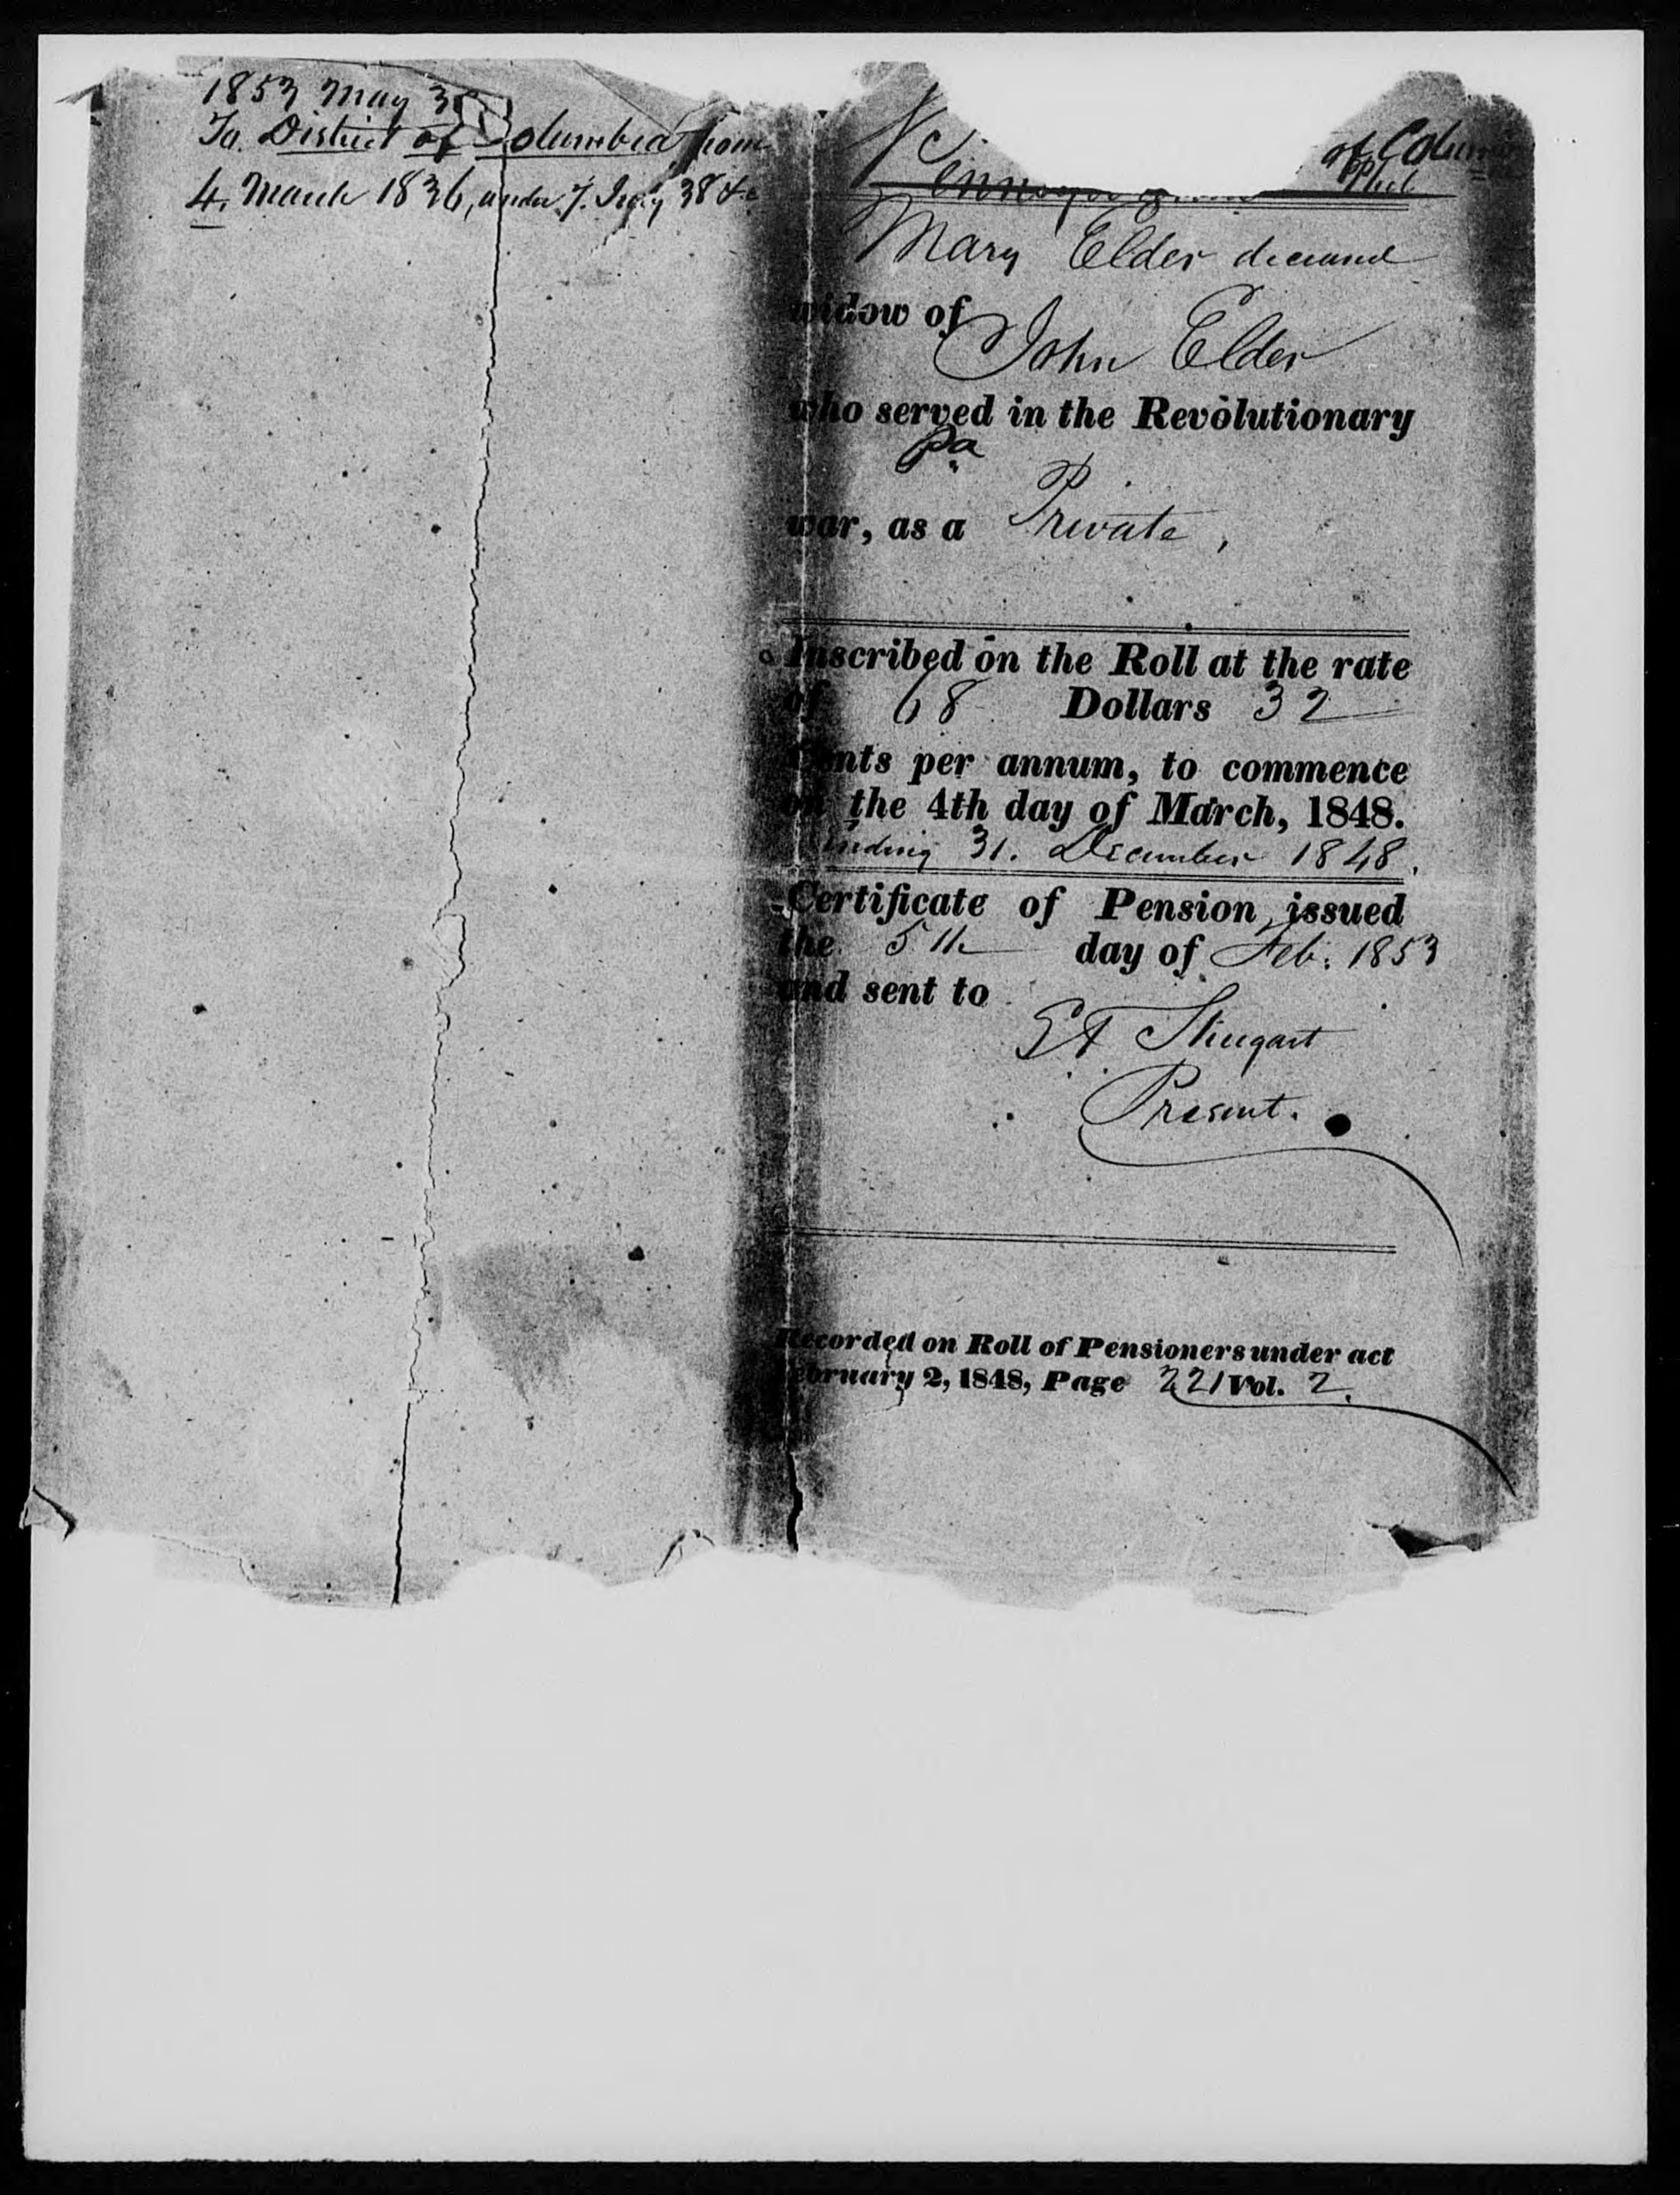Left Side:
1853 May 30 [ripped paper]
To District of Columbia From
4 March 1836, until 7 July 38 [unclear]

Right Side:
[ripped paper] of Columbia
Pennsylvania  
Mary Elder deceased
widow of John Elder
who served [pa subscript] in the Revolutionary 
war, as a Private,
Inscribed on the Roll at the rate
68 Dollars 32
cent per annum, to commence
{on} the 4th day of March, 1848.
Ending 31. December 1848,
==========================
Certificate of Pension, issued
the 5th day of Feb 1853
and sent to S T Shugart
Present.
=========================
Recorded on Roll Pensioners under act 
February 2, 1848, Page 22/Vol. 2.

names: Mary Elder, S T Shugart, John Elder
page: 3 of 80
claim: widow's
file: W. 24117, John Elder, Penn.